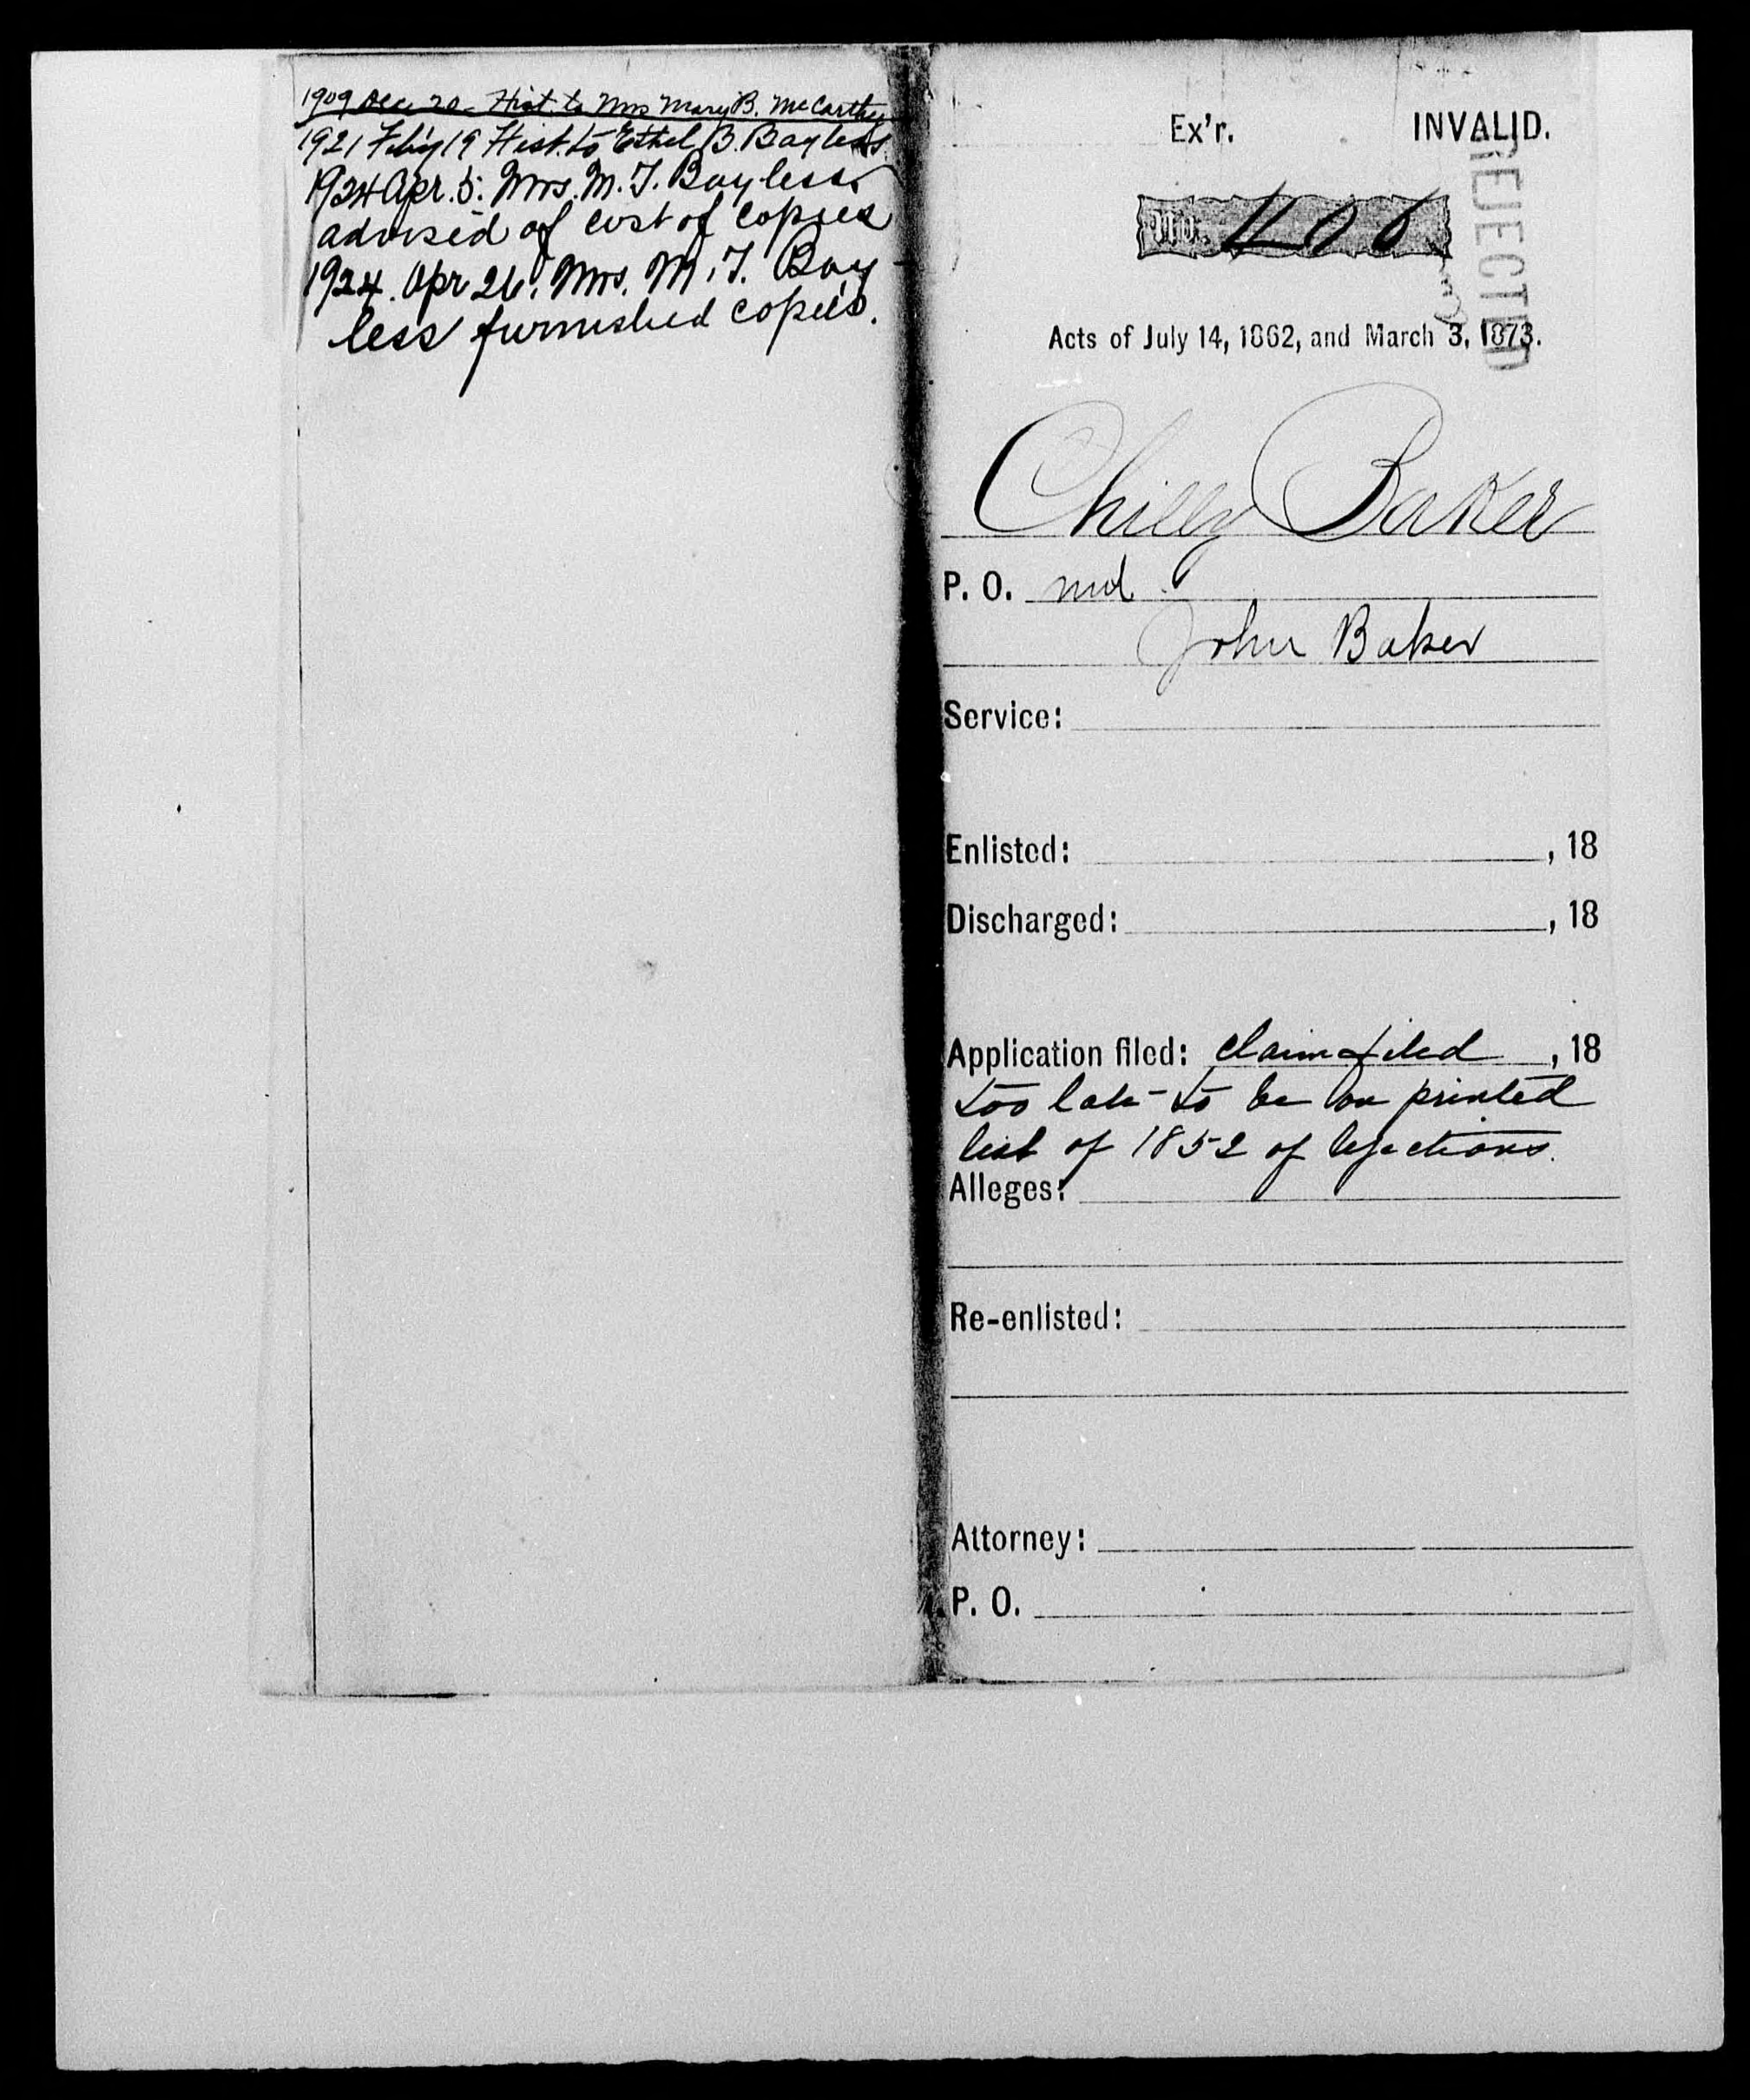[first page]
1909 Dec 20. Hist to Mrs Mary B. McCarthy
1921 Febry 19 Hist to Ethel B. Bayless
1924 Apr 3:  Mrs. M. T. Bayless advised of cost of copies
1924 Apr 26. Mrs. M. T. Bayless furnished copies.
[second page]
Ex'r. INVALID.
No. 406
REJECTED
Acts of July 14, 1862, and March 3, 1873
Chilly [Chelly] Baker
P. O. wd.
John Baker
Service:
Enlisted:
Discharged:
Application filed:
claim filed too late to be on printed list of 1852 of rejections
Alleges:
Re-enlisted:
Attorney:
P.O.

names: Mary B Mc Carthy, Chilly Baker, M T Bayless, Ethel B Bayless, M T Bayless, John Baker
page: 15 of 27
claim: rejected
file: R. 406, John Baker, S.C.